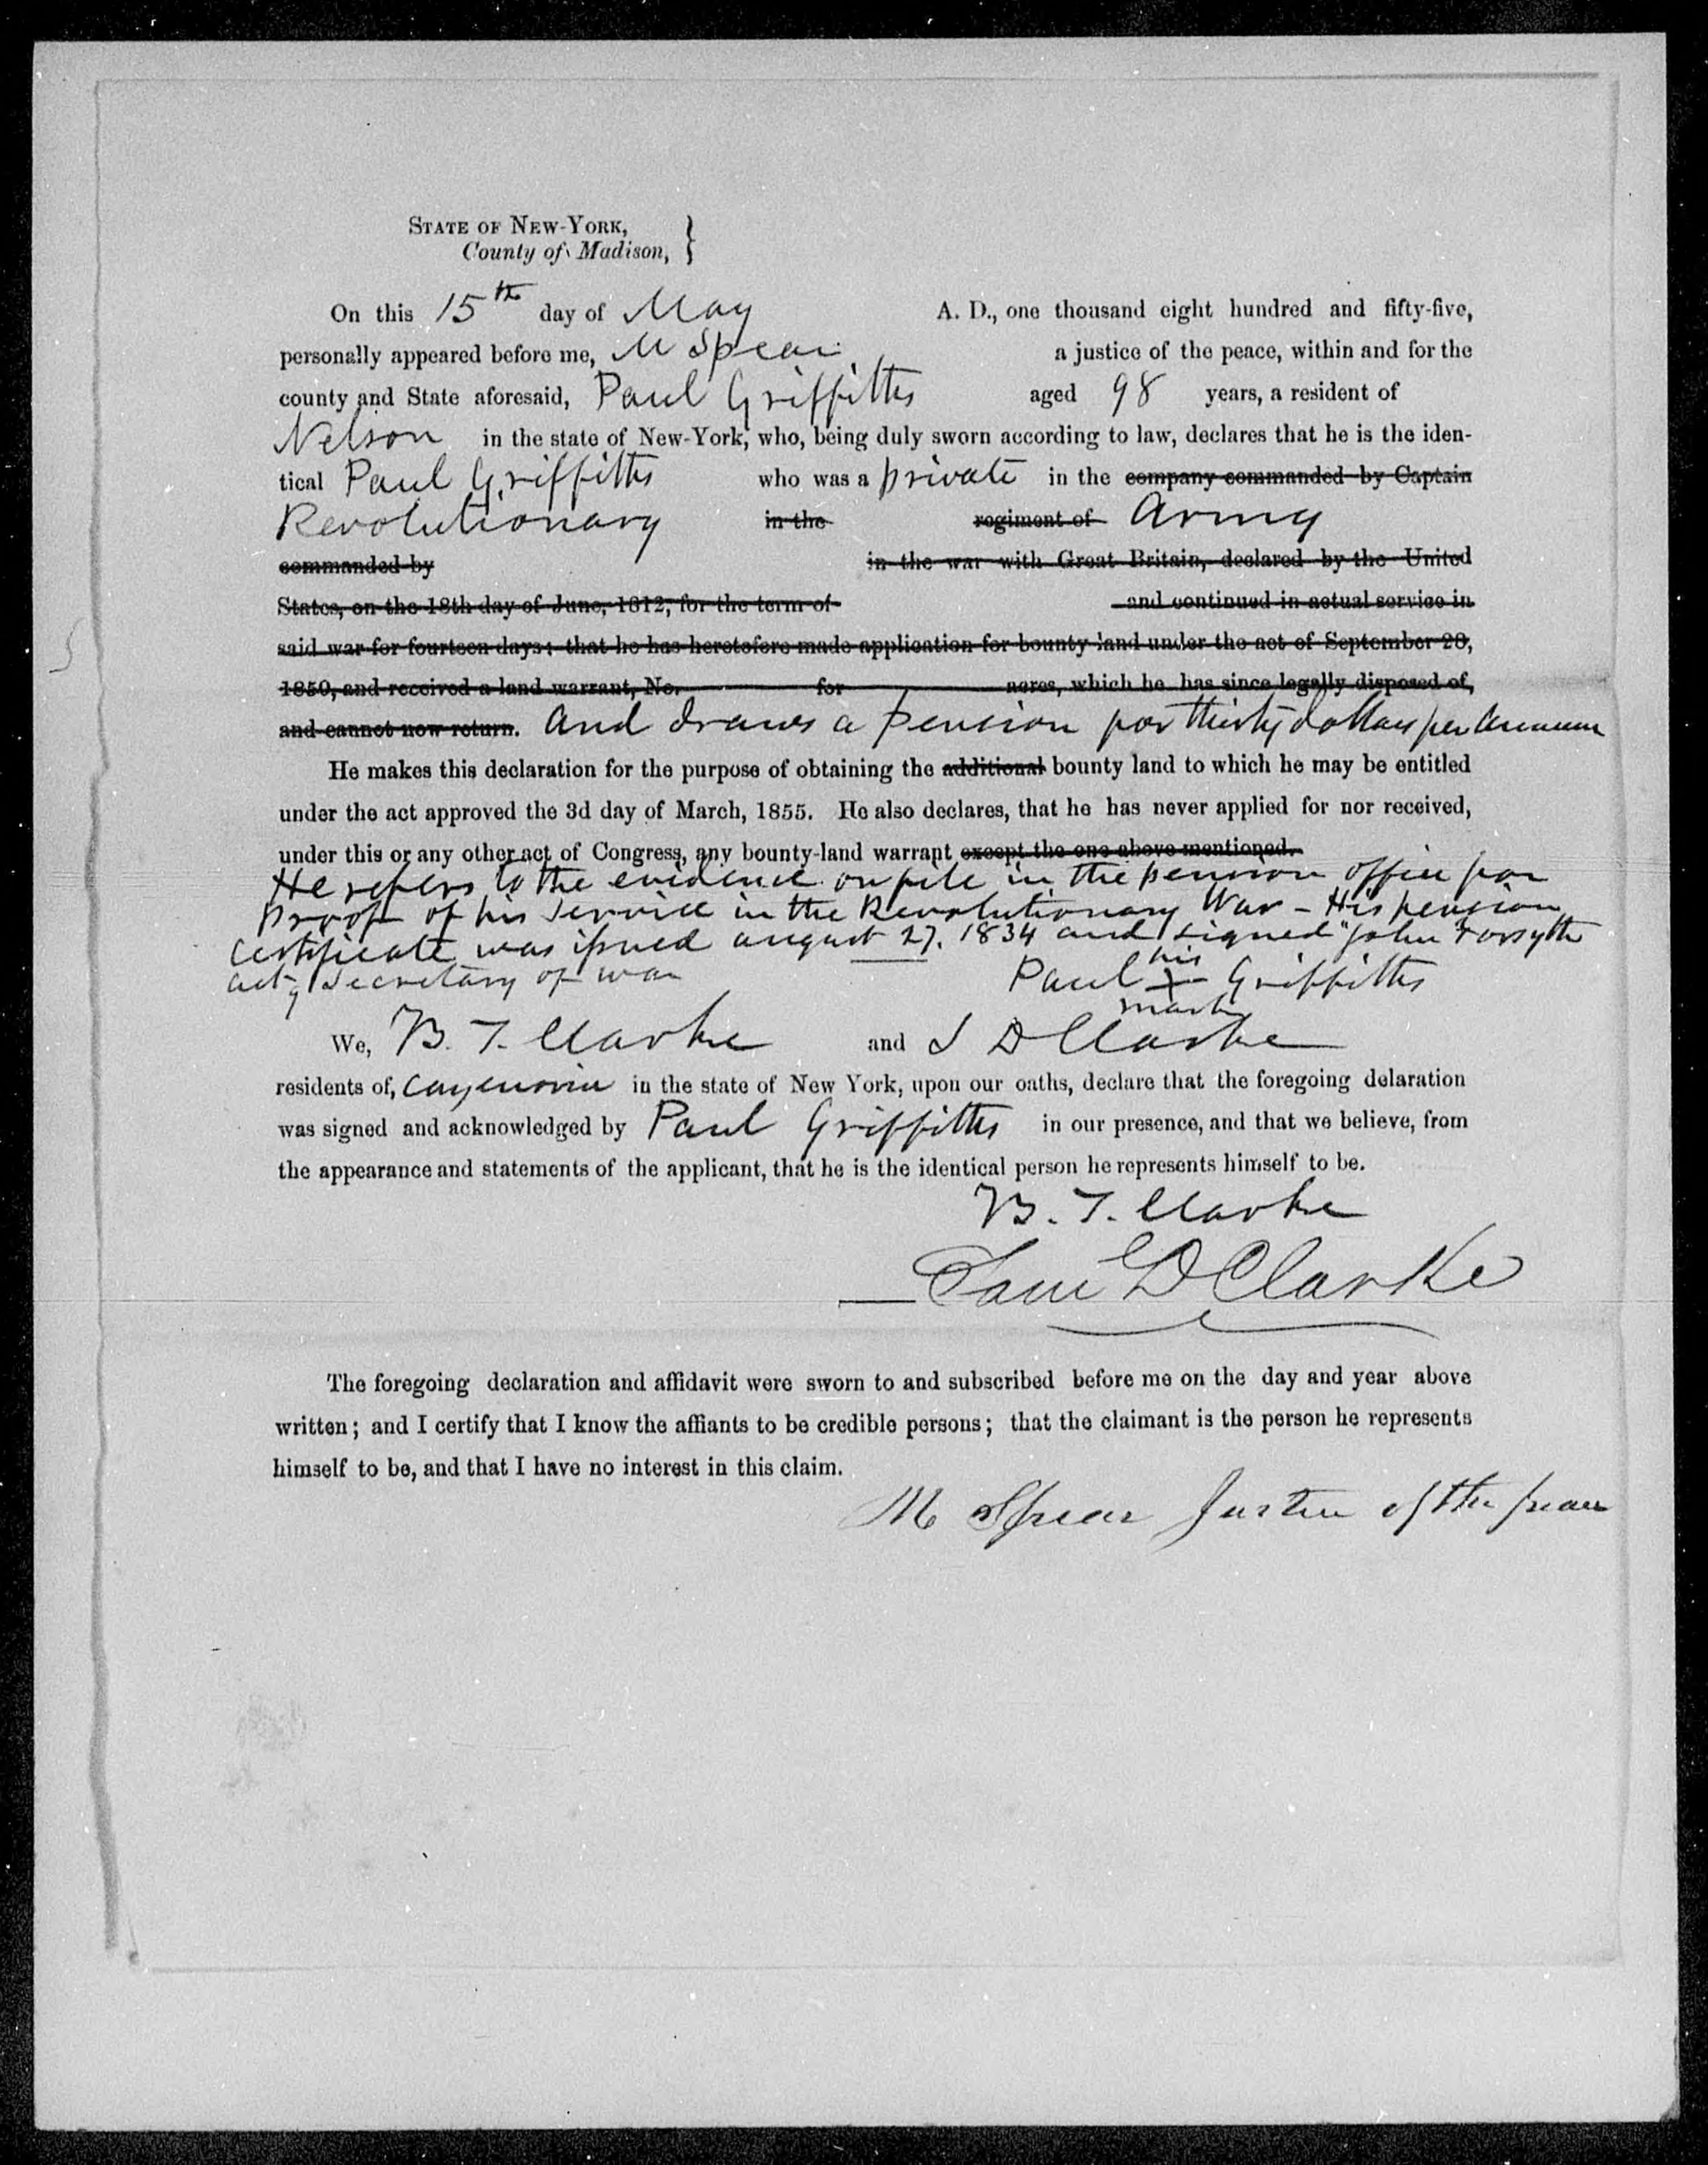STATE OF NEW-YORK, 
County of Madison,

On this 15th day of May A.D., one thousand eight hundred and fifty-five, personally appeared before me, M. Spear, A justice of the peace, within and for the county and State aforesaid, Paul Griffiths aged 98 years, a resident of Nelson in the state of New-York, who, being duly sworn according to law, declares that he is the identical Paul Griffith who was a private in the Revolutionary Army and draws a pension for thirty dollars per annum.

He makes this declaration for the purpose of obtaining the bounty land to which he may be entitled under the act approved the 3d day of March, 1855. He also declares, that he has never applied for nor received, under this or any other act of Congress, any bounty-land warrant. He refers to the evidence on file in the pension office for proof of his service in the Revolutionary War. His pension certificate was issued August 27, 1834, and signed "John Forsyth Acting Secretary of War" 

his
Paul "x" Griffiths
mark

We, B.T. Clarke and S.D. Clarke residents of Cazenovia in the state of New York, upon our oaths, declare that the foregoing declaration was signed and acknowledged by Paul Griffiths in our presence, and that we believe, from the appearance and statements of the applicant, that he is the identical person he represents himself to be.

B.T. Clarke
Sam'l D. Clarke

The foregoing declaration and affidavit were sworn to and subscribed before me on the day and year above written; and I certify that I know the affiants to be credible persons; that the claimant is the person he represents himself to be, and that I have no interest in this claim.

M. Spear, Justice of the Peace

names: Paul Griffiths, S D Clarke, M Spear, B T Clarke, Paul Griffiths, B T Clarke, Paul Griffiths, Paul Griffiths, Saml D Clarke, M Spear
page: 21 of 61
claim: survivor's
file: S. 22798, Paul Griffiths, R.I.